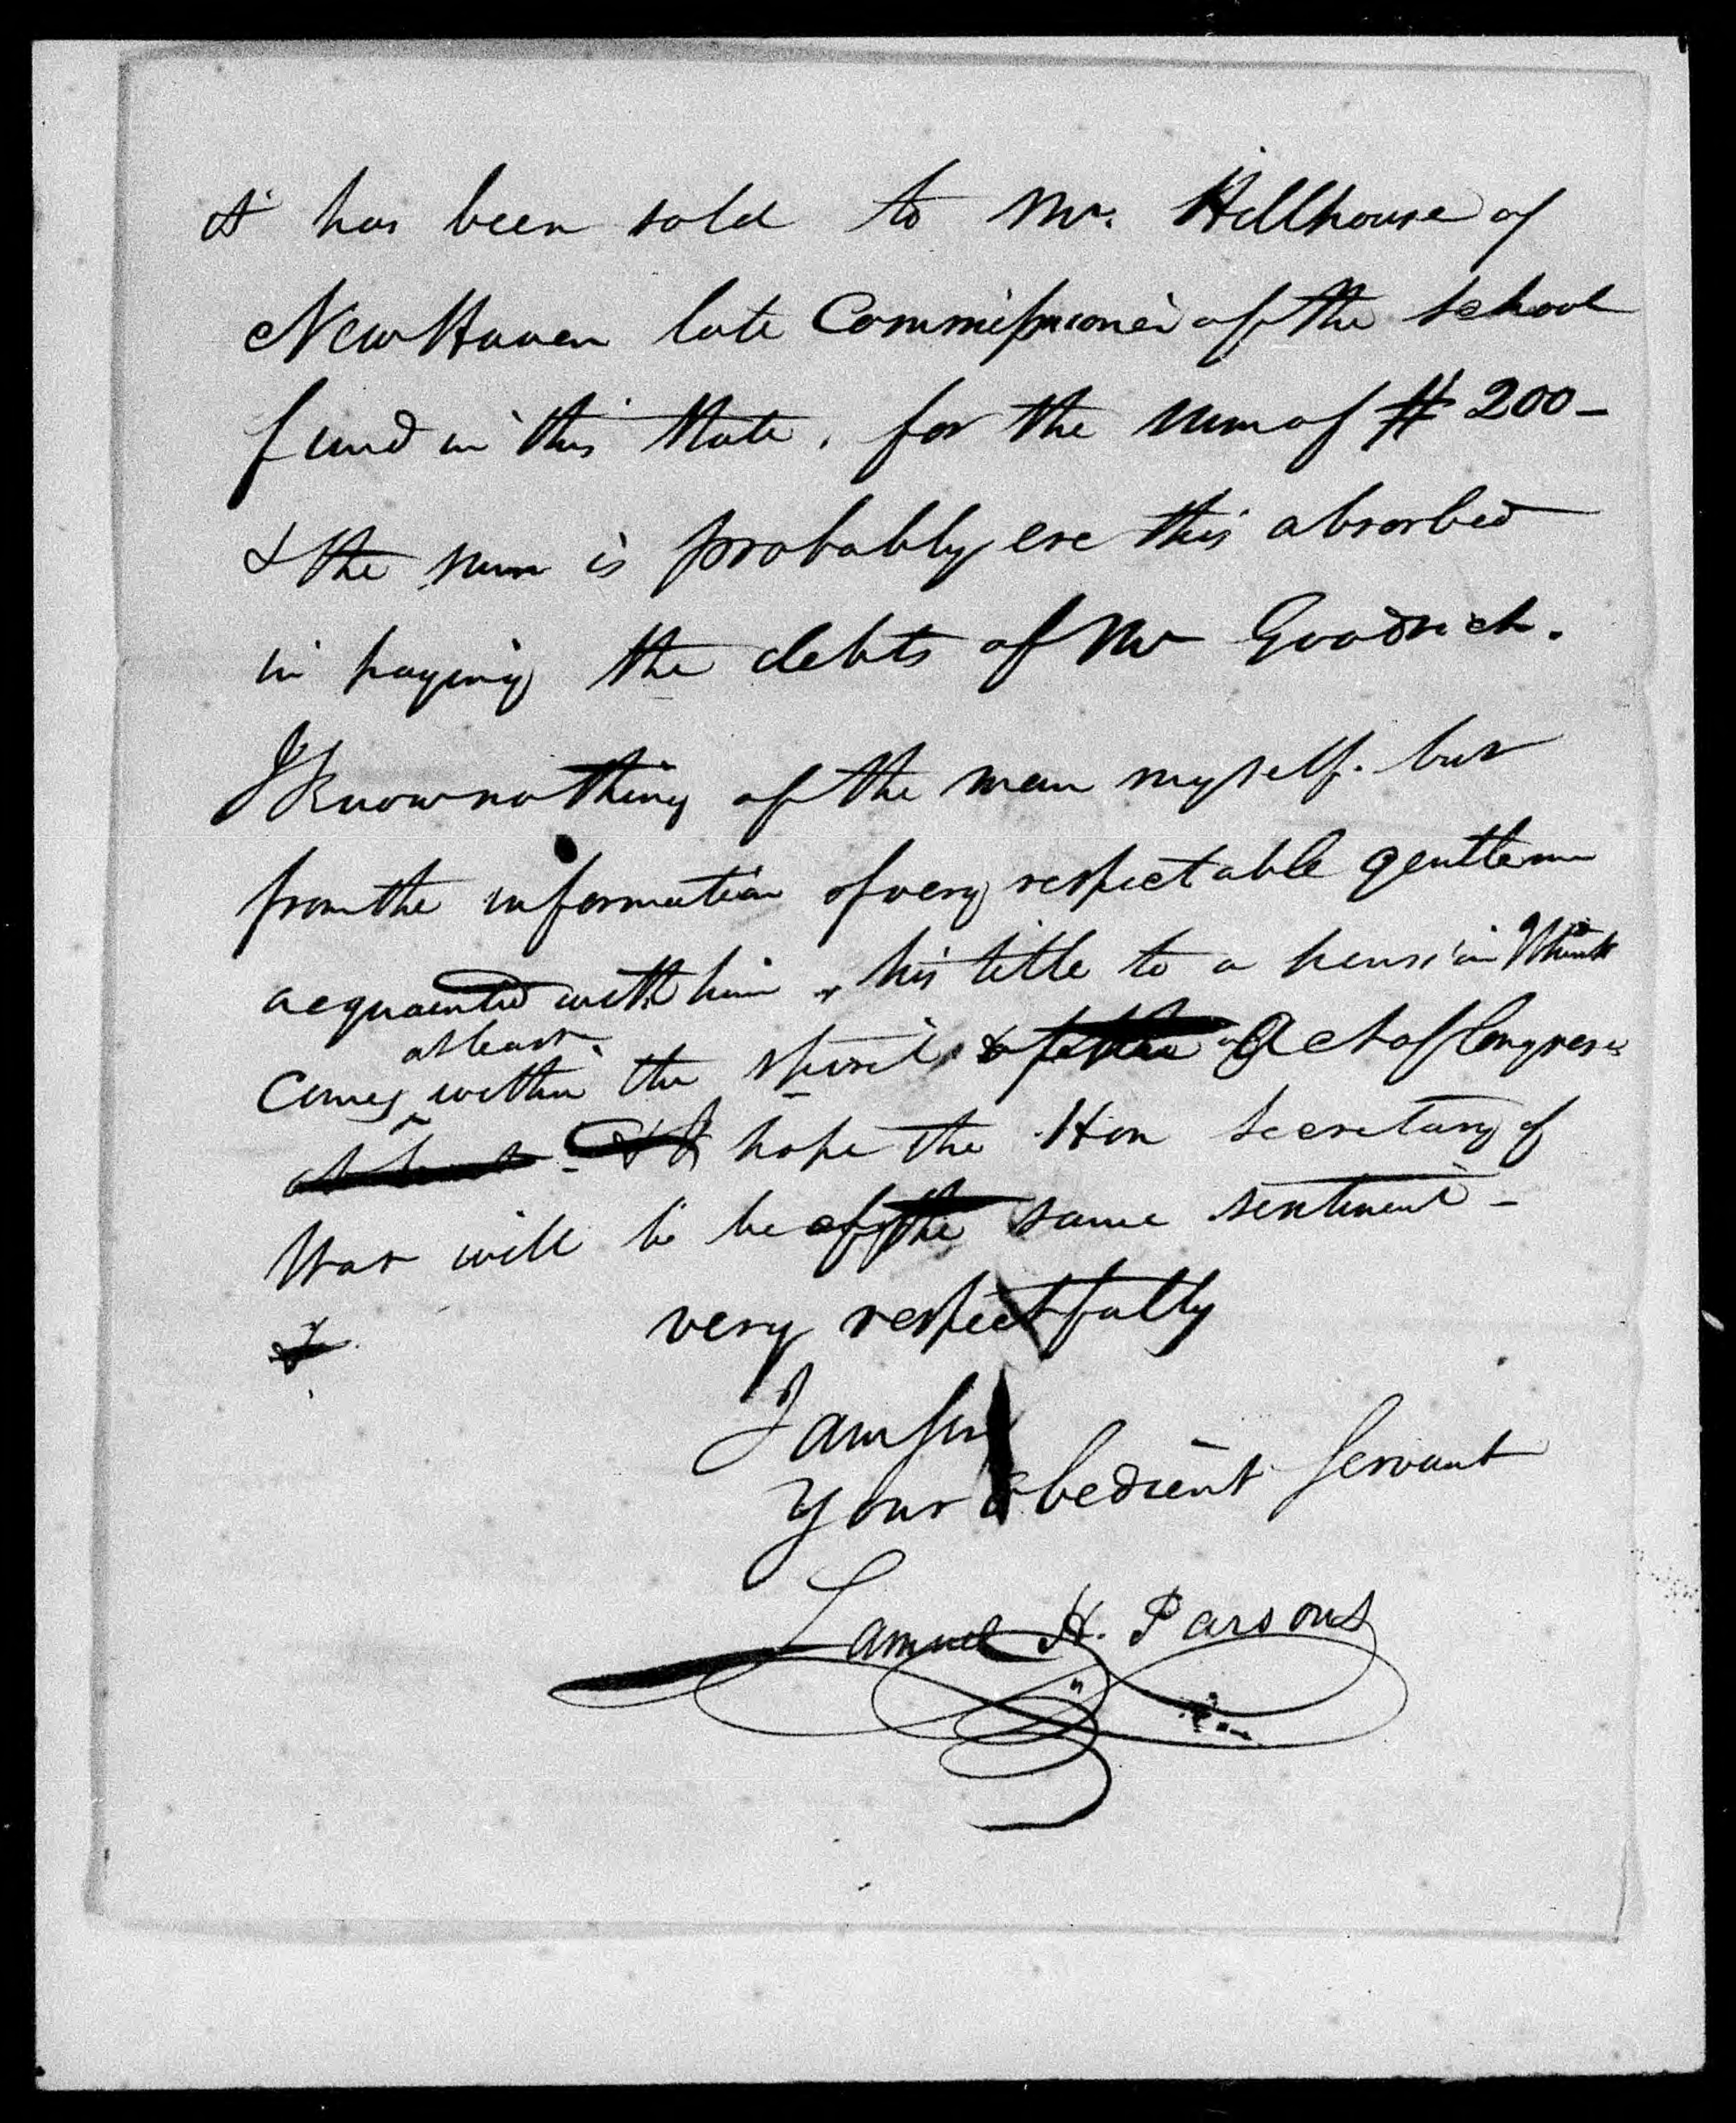it has been sold to Mr. Hillhouse of New Haven late Commissioner of the school fund in this state, for the sum of #200 - & the sum is probably ere this absorbed in paying the debts of Mr. Goodrich.

I know nothing of the man myself but from the information of very respectable gentlemen acquainted with him & his title to a pension which comes at least within the spirit of the act of Congress. I hope the Hon. Secretary of War will be the of the same sentiment.
Very Respectfully
I am sir
Your obedient Servant
Samuel H. Parsons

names: Hillhouse, Goodrich, Samuel H Parsons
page: 43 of 46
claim: survivor's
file: S. 36,556, Ichabod Goodrich, Conn.